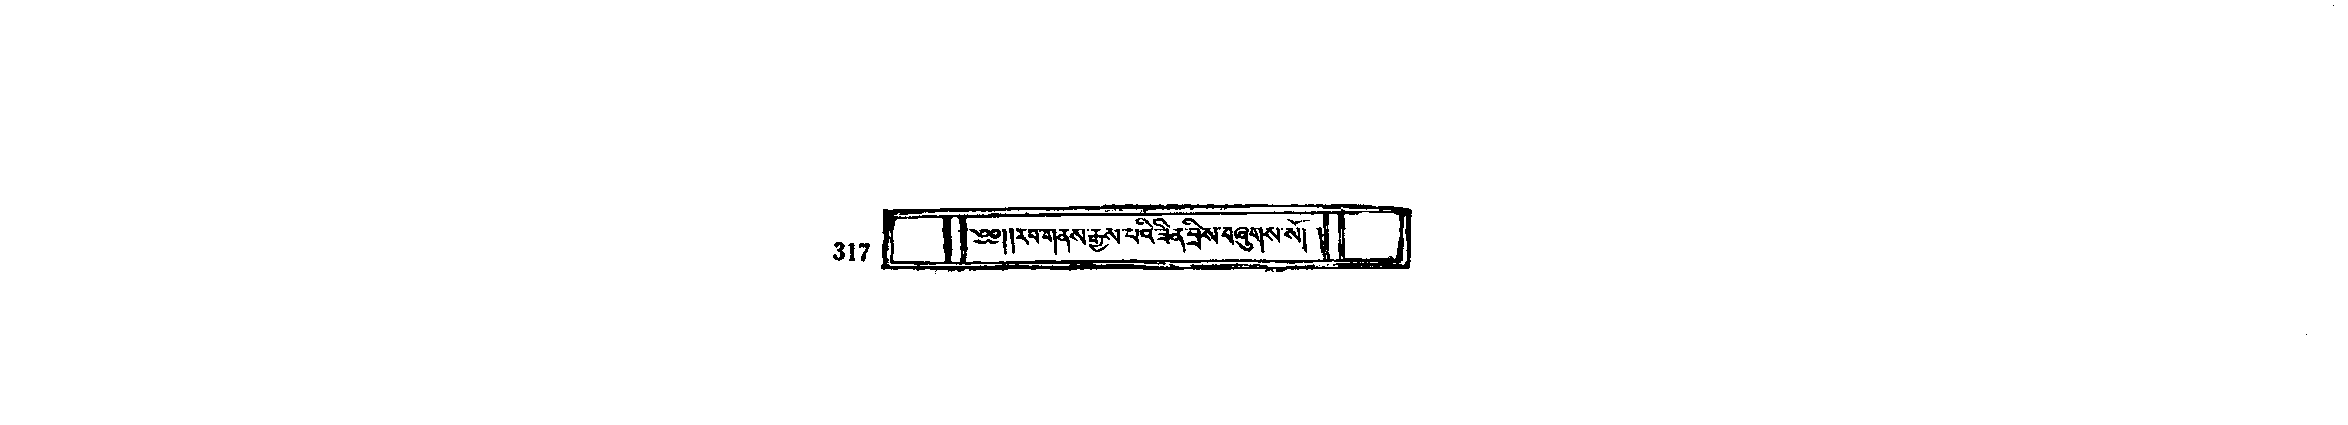༄༅། །རབ་གནས་རྒྱས་པའི་ཟིན་བྲིས་བཞུགས་སོ། །